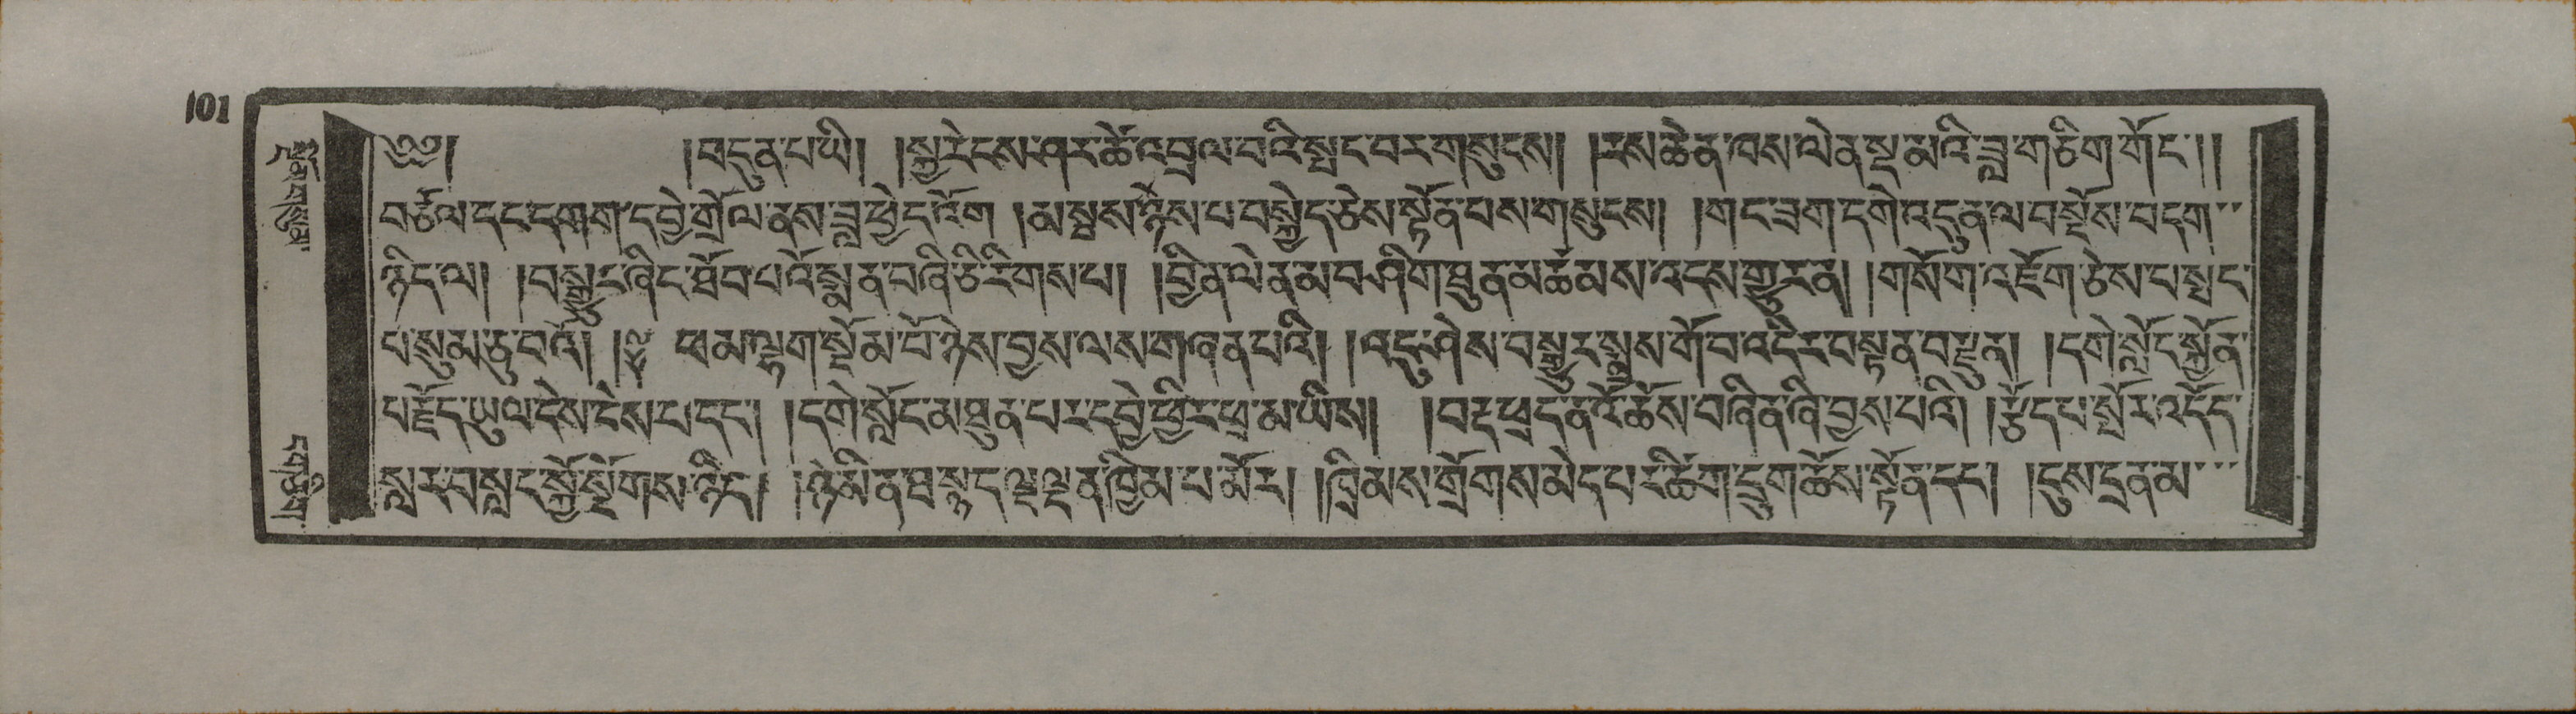༄༅། །བདུན་པ་ཡི། །སྐྱ་རེངས་ཤར་ཚེ་འབྲལ་བའི་སྤང་བར་གསུངས། །རས་ཆེན་ཁས་ལེན་སྔ་མའི་ཟླ་གཅིག་གོང་། །
བཙལ་དང་དགག་དབྱེ་གྲོལ་ནས་ཟླ་ཕྱེད་འོག །མ་སྦས་ཉེས་པ་བསྐྱེད་ཅེས་སྟོན་པས་གསུངས། །གང་ཟག་དགེ་འདུན་ལ་བསྔོས་བདག་
ཉིད་ལ། །བསྒྱུར་ཞིང་ཐོབ་པའོ་སྨན་བཞི་ཅི་རིགས་པ། །བྱིན་ལེན་མ་བཤིག་ཐུན་མཚམས་འདས་གྱུར་ན། །གསོག་འཇོག་ཅེས་པ་སྤང་
པ་སུམ་ཅུ་པའོ། །༈ ཕམ་ལྷག་སྡོམ་པོ་ཉེས་བྱས་ལས་གཞན་པའི། །འདུ་ཤེས་བསྒྱུར་སྨྲས་གོ་བ་འདིར་བསྟན་བརྫུན། །དགེ་སློང་སྐྱོན་
བརྗོད་ཡུལ་ངེས་ངེས་པ་དང་། །དགེ་སློང་མཐུན་པར་དབྱེ་ཕྱིར་ཕྲ་མ་ཡིས། །བརྡ་ཕྲད་ན་འོ་ཆོས་བཞིན་ཞི་བྱས་པའི། །རྩོད་པ་སྤོར་འདོད་
སླར་བསླང་སྐྱོ་སྔོགས་ཉིད། །ཉེ་མིན་ཐ་སྙད་ལྔ་ལྡན་ཁྱིམ་པ་མོར། །ཁྲིམས་གྲོགས་མེད་པར་ཚིག་དྲུག་ཆོས་སྟོན་དང་། །དུས་དྲན་མ་